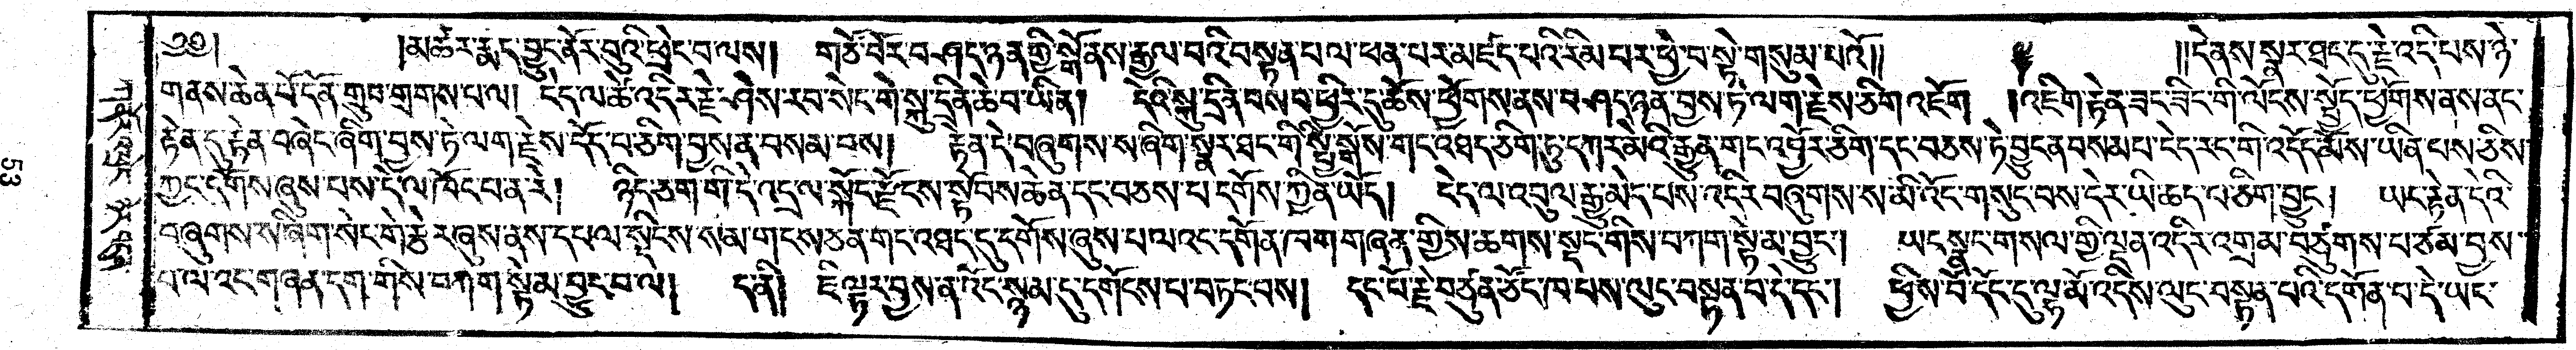༄༅། །མཚར་རྨད་བྱུང་ནོར་བུའི་ཕྲེང་བ་ལས། གཙོ་བོར་བཤད་ཉན་གྱི་སྒོ་ནས་རྒྱལ་བའི་བསྟན་པལ་ཕན་པར་མཛད་པའི་རིམ་པར་ཕྱེ་བ་སྟེ་གསུམ་པའོ།། ༈ །།དེ་ནས་སྣར་ཐང་དུ་རྗེ་འདི་པས་ཉེ་
གནས་ཆེན་པོ་དོན་གྲུབ་གྲགས་པ་ལ། ངེད་ལ་ཚེ་འདིར་རྗེ་ཤེས་རབ་སེང་གེ་སྐུ་དྲིན་ཆེ་བ་ཡིན། དེའི་སྐུ་དྲིན་བསབ་ཕྱིར་དུ་ཆོས་ཕྱོགས་ནས་བཤད་ཉན་བྱས་ཏེ་ལག་རྗེས་ཅིག་འཇོག །འཇིག་རྟེན་ཟང་ཟིང་གི་ལོངས་སྤྱོད་ཕྱོགས་ནས་ནང་
རྟེན་དུ་རྟེན་བཞེང་ཞིག་བྱས་ཏེ་ལག་རྗེས་དོད་པ་ཅིག་བྱས་ན་བསམ་བས། རྟེན་དེ་བཞུགས་ས་ཞིག་སྣར་ཐང་གི་སྤྱི་སྒོས་གང་འཐད་ཅིག་ཏུ་དཀར་མེའི་རྒྱུན་གང་འབྱོར་ཅིག་དང་བཅས་ཏེ་བྱུང་ན་བསམ་པ་ངེད་རང་གི་འདོད་མོས་ཡིན་པས་ཅིས་
ཀྱང་དགོས་ཞུས་པས་དེ་ལ་ཁོང་པ་ན་རེ། ཉིད་ཅག་གི་དེ་འདྲ་ལ་སྐོང་རྫོངས་སྟོབས་ཆེན་དང་བཅས་པ་དགོས་ཀྱིན་ཡོད། ངེད་ལ་འབུལ་རྒྱུ་མེད་པས་འདིར་བཞུགས་ས་མི་འོང་གསུང་བས་དེར་ཡི་ཆད་པ་ཅིག་བྱུང་། ཡང་རྟེན་དེའི་
བཞུགས་ས་ཞིག་སེང་གེ་རྩེར་ཞུས་ནས་དཔལ་སྡིངས་སམ་གངས་ཅན་གང་འཐད་དུ་དགོས་ཞུས་པ་ལའང་དགོན་ཁག་གཞན་གྱིས་ཆགས་སྡང་གིས་བཀག་སྟེ་མ་བྱུང་། ཡང་སྣང་གསལ་གྱི་ལྡན་འདིར་འགྲམ་བཙུགས་པ་ཙམ་བྱས་
པ་ལ་འང་གཞན་དག་གིས་བཀག་སྟེམ་བྱུང་བ་ལ། ད་ནི། ཇི་ལྟར་བྱས་ན་འོང་སྙམ་དུ་དགོངས་པ་བཏང་བས། དང་པོ་རྗེ་བཙུན་ཙོང་ཁ་པས་ལུང་བསྟན་བ་དེ་དང་། ཕྱིས་བོ་དོང་དུ་ལྷ་མོ་འདིས་ལུང་བསྟན་པའི་དགོན་པ་དེ་ཡང་